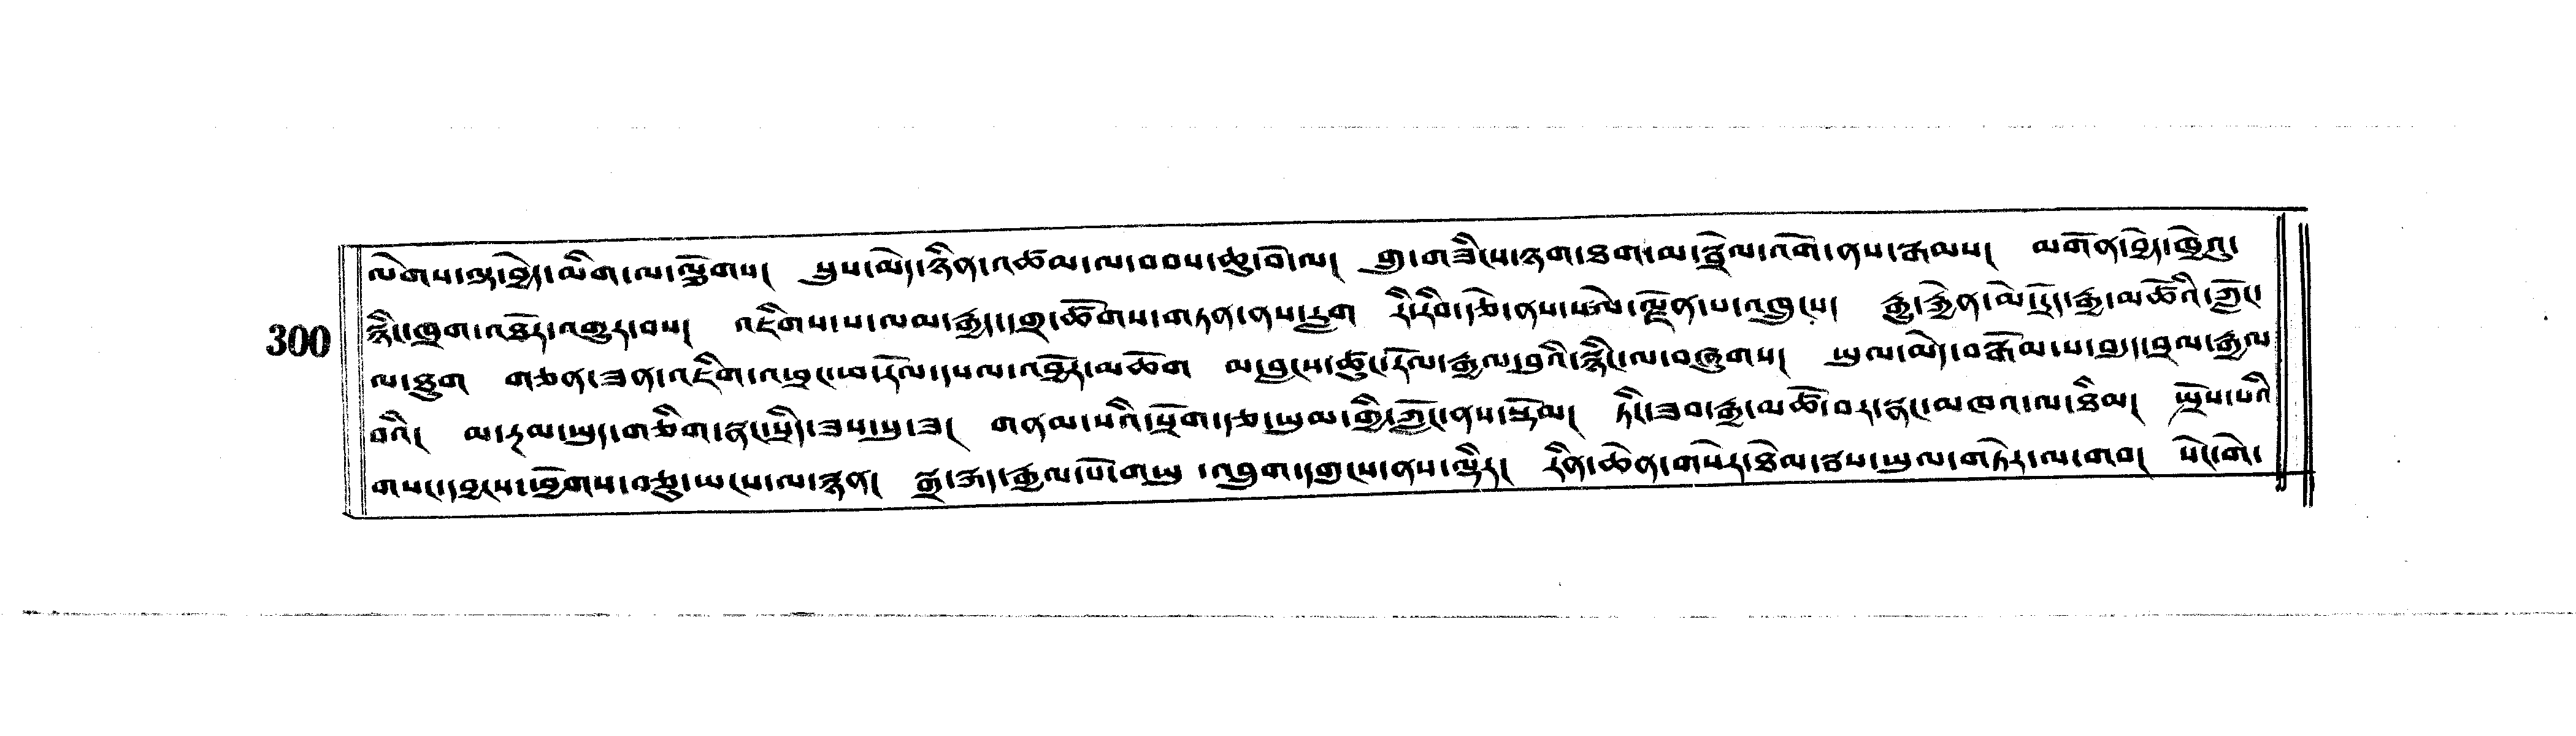ལེགས་ལྟ་བྱེད་མིག་ལ་ལྕོགས། སྲུས་མེད་ཉིན་མཚམས་ལ་བབས་ཆུ་བོ་ལ། གྲུ་གཟིངས་ཉག་ཐག་མ་སྦྲེལ་འགོ་ནས་སྒམ། མགོན་བྱེད་ཁྱེའུ་
སྙིང་ཁྲག་འཐོར་གྱུར་པས། འཇིགས་པ་ལམ་བརྒྱད་དགྲ་ཚོགས་གཏན་ནས་བརླག། རི་རབ་རྩེ་ནས་ས་ལེ་ལྗོན་པ་འཁྲུངས། རྒྱུ་རྐྱེན་མེ་དྲོད་རྒྱ་མཚོའི་ཀློང་
ལ་ཐུག གཅན་གཟན་འཇིགས་འཕྲང་ཕ་རོལ་དཔལ་འབྱོར་མཆོག མ་བླང་ཚུར་རོལ་རྒྱལ་བུའི་སྙིང་ལ་བཞུགས། ཡུལ་མེད་བསྒོམ་པ་བདུད་བྲལ་རྒྱལ་
བ་ཡི། མ་རྔམ་ཡུད་གཅིག་སྣང་སྲིད་ཟས་སུ་ཟ། གནམ་སའི་སྲོག་རྩ་ཡུམ་གྱི་ཀློང་ནས་སྡོམ། གཏིང་ཟབ་རྒྱ་མཚོ་བར་སྣང་མཁའ་ལ་ཐིམ། སྤྲོས་པའི་
གསུང་དབྱངས་ཕྱོགས་བཅུ་ཡོངས་ལ་སྙན། སྒྲ་སྐད་རྒྱལ་པོ་གཡུ་འབྲུག་དགུང་ནས་ལྡིར། རིན་ཆེན་གསེར་ཐིམ་སྦས་ཡུལ་གཏེར་ལ་གབ། སེང་གེ་